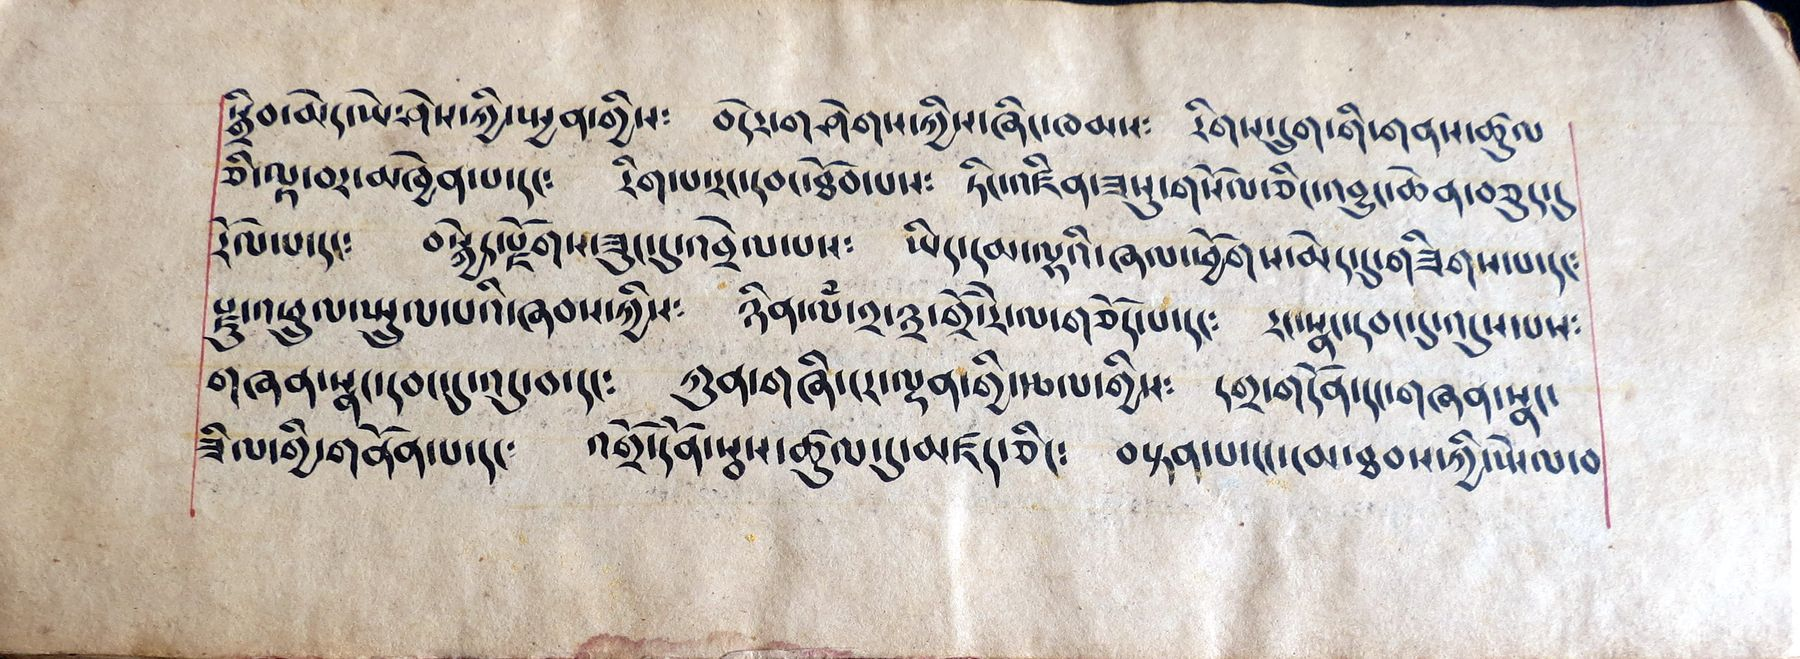སྒྲིབ་མེད་ཡེ་ཤེས་ཀྱི་སྤྱན་གྱིས། བདེར་གཤེགས་ཞིང་ཁམས། རིགས་དྲུག་གི་གནས་ཚུལ་
ཅི་ལྟར་མཁྱེན་པ་དང་། རིག་པ་རང་དབང་ཐོབ་པས། ཏིང་འཛིན་ཟས་སུ་གསོལ་ཅིང་འབྱུང་ཆེན་བཅུད་དུ་
རོལ་པ་དང་། བསྐྱེད་རྫོགས་ཟུང་དུ་འབྲེལ་བས། ཡི་དམ་ལྷ་ཡི་ཞལ་ཕྱོགས་མེད་དུ་གཟིགས་པ་དང་། 
རྫུ་འཕྲུལ་སྤྲུལ་པའི་ཞབས་ཀྱིས། ཉིན་ལམ་གཉིས་གསུམ་དྲོ་རེ་ལ་གཅོད་པ་དང་། རང་སྣང་དབང་དུ་འདུས་པས་
གཞན་སྣང་དབང་དུ་འདུ་བ་དང་། ཀུན་གཞི་ངར་ལྡན་གྱི་རྩལ་གྱིས། དགྲ་གདོན་དང་གཞན་སྣང་
ཟིལ་གྱིས་གནོན་པ་དང་། འགྲོ་དོན་སྦས་ཚུལ་གྱིས་མཛད་ཅིང་། བསྟན་པ་ངང་ངམ་ཐབས་ཀྱིས་སྤེལ་བ་